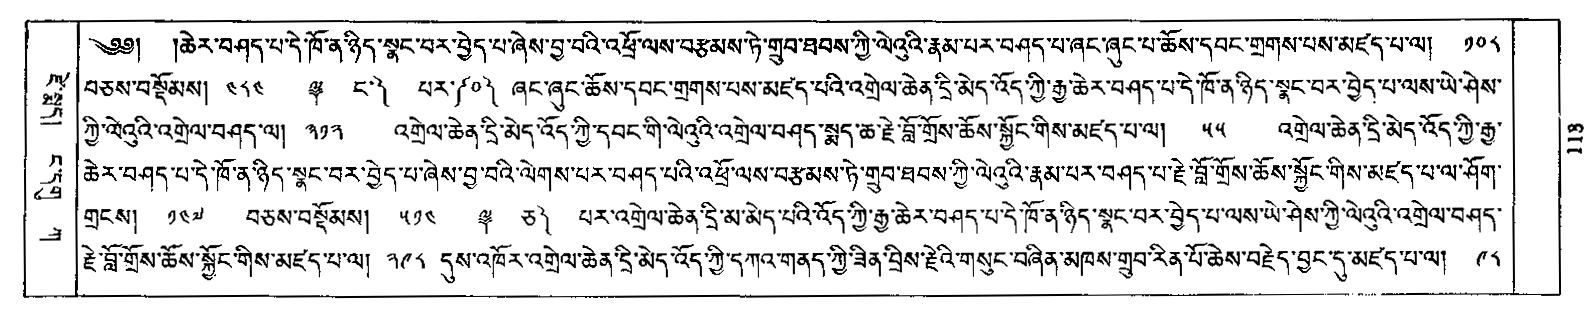༄༅། །ཆེར་བཤད་པ་དེ་ཁོ་ན་ཉིད་སྣང་བར་བྱེད་པ་ཞེས་བྱ་བའི་འཕྲོ་ལས་བརྩམས་ཏེ་གྲུབ་ཐབས་ཀྱི་ལེའུའི་རྣམ་པར་བཤད་པ་ཞང་ཞུང་པ་ཆོས་དབང་གྲགས་པས་མཛད་པ་ལ། ༡༠༨
བཅས་བསྡོམས། ༤༨༤་༈ ང༼་པར་?༠༽ ཞང་ཞུང་ཆོས་དབང་གྲགས་པས་མཛད་པའི་འགྲེལ་ཆེན་དྲི་མེད་འོད་ཀྱི་རྒྱ་ཆེར་བཤད་པ་དེ་ཁོ་ན་ཉིད་སྣང་བར་བྱེད་པ་ལས་ཡེ་ཤེས་
ཀྱི་ལེའུའི་འགྲེལ་བཤད་ལ། ༣༡༢་འགྲེལ་ཆེན་དྲི་མེད་འོད་ཀྱི་དབང་གི་ལེའུའི་འགྲེལ་བཤད་སྨད་ཆ་རྗེ་བློ་གྲོས་ཆོས་སྐྱོང་གིས་མཛད་པ་ལ། ༥༥་འགྲེལ་ཆེན་དྲི་མེད་འོད་ཀྱི་རྒྱ་
ཆེར་བཤད་པ་དེ་ཁོ་ན་ཉིད་སྣང་བར་བྱེད་པ་ཞེས་བྱ་བའི་ལེགས་པར་བཤད་པའི་འཕྲོ་ལས་བརྩམས་ཏེ་གྲུབ་ཐབས་ཀྱི་ལེའུའི་རྣམ་པར་བཤད་པ་རྗེ་བློ་གྲོས་ཆོས་སྐྱོང་གིས་མཛད་པ་ལ་ཤོག་
གྲངས། ༡༤༧་བཅས་བསྡོམས། ༥༡༤་༈ ཅ་པར་འགྲེལ་ཆེན་དྲི་མ་མེད་པའི་འོད་ཀྱི་རྒྱ་ཆེར་བཤད་པ་དེ་ཁོ་ན་ཉིད་སྣང་བར་བྱེད་པ་ལས་ཡེ་ཤེས་ཀྱི་ལེའུའི་འགྲེལ་བཤད་
རྗེ་བློ་གྲོས་ཆོས་སྐྱོང་གིས་མཛད་པ་ལ། ༢༤༨་དུས་འཁོར་འགྲེལ་ཆེན་དྲི་མེད་འོད་ཀྱི་དཀའ་གནད་ཀྱི་ཟིན་བྲིས་རྗེའི་གསུང་བཞིན་མཁས་གྲུབ་རིན་པོ་ཆེས་བརྗེད་བྱང་དུ་མཛད་པ་ལ། ༤༨